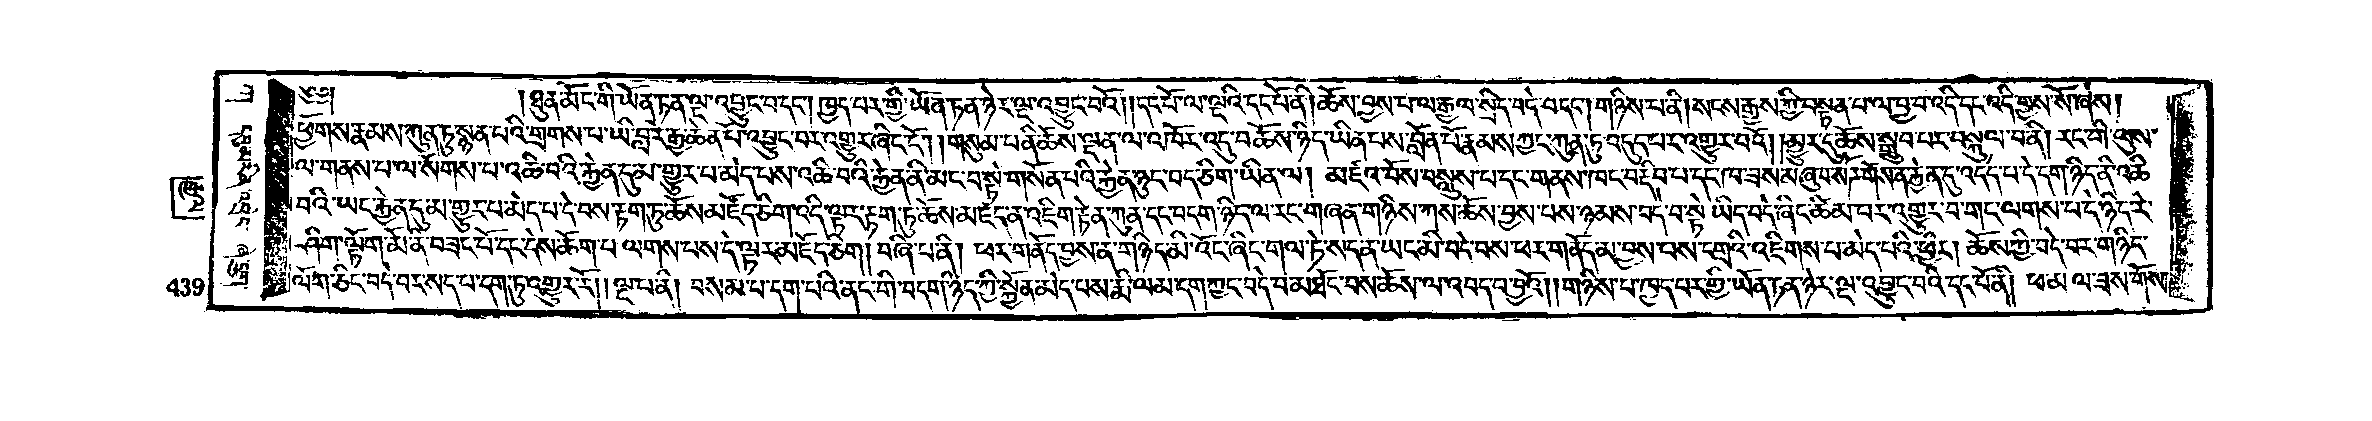༄༅། །ཐུན་མོང་གི་ཡོན་ཏན་ལྔ་འབྱུང་བ་དང་། ཁྱད་པར་གྱི་ཡོན་ཏན་ཉེར་ལྔ་འབྱུང་བའོ། །དང་པོ་ལ་ལྔའི་དང་པོ་ནི། ཆོས་བྱས་པ་ལ་རྒྱལ་སྲིད་བདེ་བ་དང་། གཉིས་པ་ནི། སངས་རྒྱས་ཀྱི་བསྟན་པ་ལ་བྱ་བ་འདི་དང་འདི་གྱས་སོ་ཞེས།
ཕྱོགས་རྣམས་ཀུན་ཏུ་སྙན་པའི་གྲགས་པ་ཡི་བླ་རེ་རྒྱ་ཆེན་པོ་འབྱུང་བར་འགྱུར་ཞིང་ངོ། །གསུམ་པ་ནི་ཆོས་ལྡན་ལ་འཁོར་འདུ་བ་ཆོས་ཉིད་ཡིན་པས་བློན་པོ་རྣམས་ཀྱང་ཀུན་ཏུ་འདུད་པར་འགྱུར་བའོ། །མྱུར་དུ་ཆོས་སྒྲུབ་པར་བསྐུལ་བ་ནི། རང་གི་ལུས་
ལ་གནས་པ་ལ་སོགས་པ་འཆི་བའི་རྐྱེན་དུ་མ་གྱུར་པ་མེད་པས་འཆི་བའི་རྐྱེན་ནི་མང་བ་སྟེ་གསོན་པའི་རྐྱེན་ཉུང་བད?་ཅིག་ཡིན་ལ། མཛའ་བོས་བསླུས་པ་དང་གནས་ཁང་བརྡིབ་པ་དང་ཁ་ཟས་མ་ཞུ་བ་སོགས་གོས་ན་རྐྱེན་དུ་འདོད་པ་དེ་དག་ཉིད་ནི་འཆི་
བའི་ཡང་རྐྱེན་དུ་མ་གྱུར་པ་མེད་པ་དེ་བས་རྟག་ཏུ་ཆོས་མཛོད་ཅིག་འདི་ལྟར་རྟག་ཏུ་ཆོས་མཛད་ན་འཇིག་རྟེན་ཀུན་དང་བདག་ཉིད་ལ་རང་བཞིན་གཉིས་ཀས་ཆོས་བྱས་པས་ཉམས་བདེ་བ་སྟེ་ཡིད་བདེ་ཞིང་ཚིམ་པར་འགྱུར་བ་གང་ལགས་པ་དེ་ཉིད་རེ་
ཤིག་ལྟོག་མོ་ནི་བཟང་པོ་དང་དེས་ཆོག་པ་ལགས་པས་དེ་ལྟར་མཛོད་ཅིག །བཞི་པ་ནི། ཕར་གནོད་བྱས་ན་གཉིད་མི་འོང་ཞིང་གལ་ཏེ་སད་ན་ཡང་མི་བདེ་བས་ཕར་གནོད་མ་བྱས་པས་དགྲའི་འཇིགས་པ་མེད་པའི་ཕྱིར། ཆོས་ཀྱི་བདེ་བར་གཉིད་
ལོག་ཅིང་བདེ་བར་སད་པ་དག་ཏུ་འགྱུར་རོ། །ལྔ་པ་ནི། བསམ་པ་དག་པའི་ནང་གི་བདག་ཉིད་ཀྱི་སྐྱོན་མེད་པས་རྨི་ལམ་དག་ཀྱང་བདེ་བ་མཐོང་བས་ཆོས་ལ་འབད་པ་བྱའོ། །གཉིས་པ་ཁྱད་པར་གྱི་ཡོན་ཏན་ཉེར་ལྔ་འབྱུང་བའི་དང་པོ་ནི། ཕ་མ་ལ་ཟས་གོས་